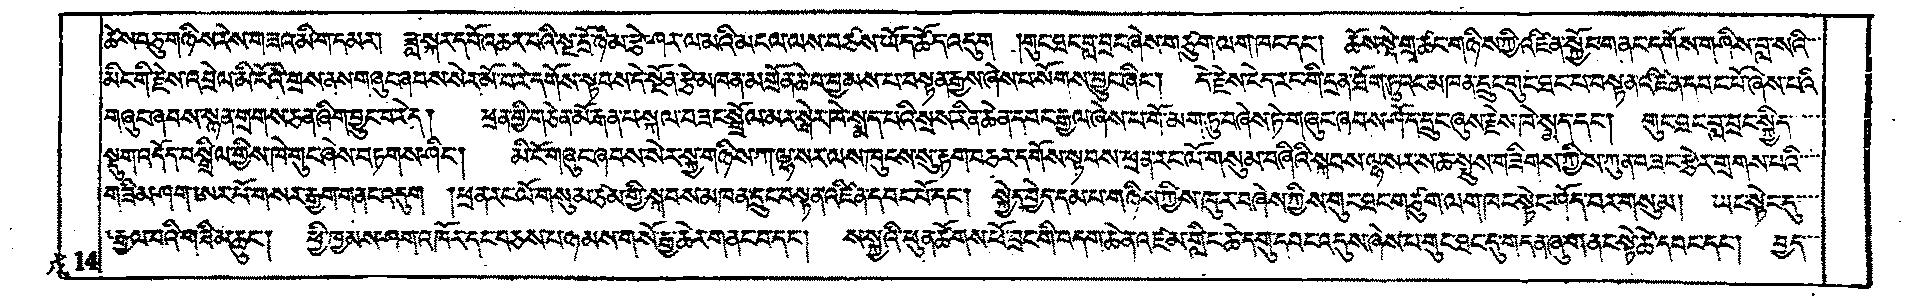ཚེས་བཅུ་གཉིས་རེས་གཟའ་མིག་དམར། ཟླ་སྐར་དབོ་འཆར་བའི་སྔ་དྲོ་ཉི་མ་རྩེ་ཤར་ལ་མའི་མངལ་ལས་བཙས་ཡོད་ཚོད་འདུག །གུང་ཐང་བླ་བྲང་ཞེས་གཙུག་ལག་ཁང་དང་། ཆོས་སྡེ་གྲྭ་ཚང་གཉིས་ཀྱི་འཛིན་སྐྱོང་གནང་དགོས་གཤིས་བླ་སའི་
མིང་གི་རྗེས་འབྲེལ་མི་ངོའི་གྲས་ནས་གཞུང་ཞབས་སེར་མོ་བ་རེ་དགོས་སྟབས་དེ་སྔོན་རྩེ་མཁན་མགྲོན་ཆེ་བ་བྱམས་པ་བསྟན་རྒྱས་ཞེས་པ་སོགས་བྱུང་ཞིང་། དེ་རྗེས་ངེད་རང་གི་དྲན་ཐོག་ཏུའང་མཁན་དྲུང་གུང་ཐང་པ་བསྟན་འཛིན་དབང་པོ་ཞེས་པའི་
གཞུང་ཞབས་སྙན་གྲགས་ཅན་ཞིག་བྱུང་བ་རེད། ཕྲན་གྱི་གཅེན་མོ་རྒན་པ་སྐལ་བཟང་སྒྲོལ་མར་སྒེར་ཁེ་སྨད་པའི་སྲས་རིན་ཆེན་དབང་རྒྱལ་ཞེས་པ་གོ་མག་ཏུ་བཞེས་ཏེ་གཞུང་ཞབས་ཤོད་དྲུང་ཞུས་རྗེས་ཁེ་སྨད་དང་། གུང་ཐང་བླ་བྲང་སྐྱིད་
སྡུག་འདོད་བསྒྲིལ་གྱིས་ཁེ་གུང་ཞེས་བཏགས་ཤིང་། མི་ངོ་གཞུང་ཞབས་སེར་སྐྱ་གཉིས་ཀ་ལྷ་སར་ལས་ཁུངས་སུ་རྟག་བཅར་དགོས་སྟབས་ཕྲན་རང་ལོ་གསུམ་བཞིའི་སྐབས་ལྷ་སར་ས་ཆ་སྤུས་གཟིགས་ཀྱིས་ཀུན་བཟང་རྩེར་གྲགས་པའི་
གཟིམ་ཤག་ཨར་པོ་གསར་རྒྱག་གནང་འདུག །ཕྲན་རང་ལོ་གསུམ་ཙམ་གྱི་སྐབས་མཁན་དྲུང་བསྟན་འཛིན་དབང་པོ་དང་། སྐྱེད་བྱེད་དམ་པ་གཉིས་ཀྱིས་ཁུར་བཞེས་ཀྱིས་གུང་ཐང་གཙུག་ལག་ཁང་སྟེང་ཤོད་པར་གསུམ། ཡང་སྟེང་དུ་
༧རྒྱལ་བའི་གཟིམ་ཆུང་། ཕྱི་ཁྱམས་ཤག་འཁོར་དང་བཅས་པ་ཉམས་གསོ་རྒྱ་ཆེར་གནང་བ་དང་། ས་སྐྱའི་ཕུན་ཚོགས་ཕོ་བྲང་གི་བདག་ཆེན་འཛམ་གླིང་ཆེ་དགུ་དབང་འདུས་ཞེས་པ་གུང་ཐང་དུ་གདན་ཞུ་གནང་སྟེ་ཚེ་དབང་དང་། བྱད་